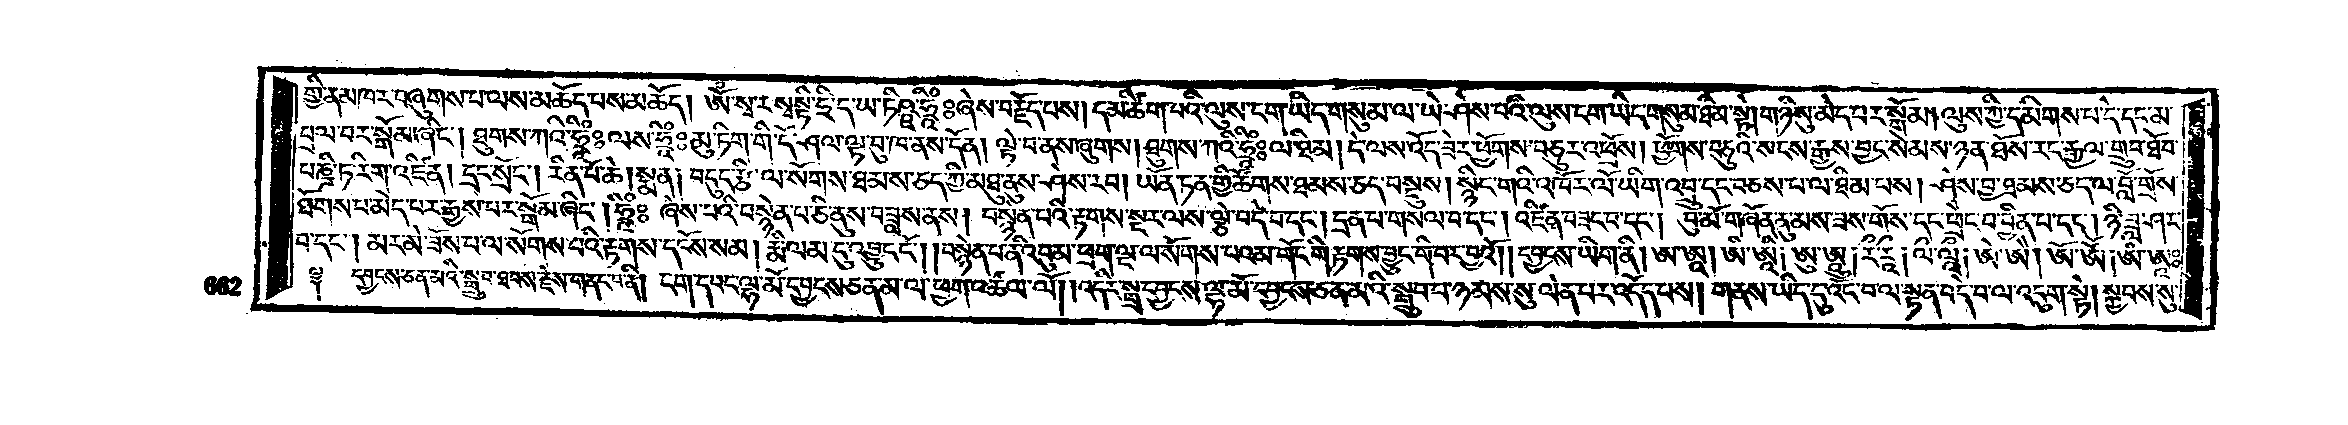གྱི་ནམ་མཁར་བཞུགས་པ་ལས་མཆོད་པས་མཆོད། ཨོཾ་སྭ་ར་སྭསྟི་ཧྲི་ད་ཡ་ཏིཥཊཿཨ་ཧྲཱིཾཿ ཞེས་བརྗོད་པས། དམ་ཚིག་པའི་ལུས་ངག་ཡིད་གསུམ་ལ་ཡེ་ཤེས་པའི་ལུས་ངག་ཡིད་གསུམ་ཐིམ་སྟེ། གཉིས་སུ་མེད་པར་སྒོམ། ལུས་ཀྱི་དམིགས་པ་དེ་དང་མ་
བྲལ་བར་སྒོམ་ཞིང་། ཐུགས་ཀའི་ཧྲཱིཾཿ ལས་ཧྲཱིཾཿ མུ་ཏིག་གི་དོ་ཤལ་ལྟ་བུ་ཁ་ནས་དོན། ལྟེ་བ་ནས་ཞུགས། ཐུགས་ཀའི་ཧྲཱིཾཿ ལ་ཐིམ། དེ་ལས་འོད་ཟེར་ཕྱོགས་བཅུར་འཕྲོས། ཕྱོགས་བཅུའི་སངས་རྒྱས་བྱང་སེམས་ཉན་ཐོས་རང་རྒྱལ་གྲུབ་ཐོབ་
པཎྜི་ཏ་རིག་འཛིན། དྲང་སྲོང་། རིན་པོ་ཆེ། སྨན། བདུད་རྩི་ལ་སོགས་ཐམས་ཅད་ཀྱི་མཐུ་ནུས་ཤེས་རབ། ཡོན་ཏན་གྱི་ཚོགས་ཐམས་ཅད་བསྡུས། སྙིང་གའི་འཁོར་ལོ་ཡིག་འབྲུ་དང་བཅས་པ་ལ་ཐིམ་པས། ཤེས་བྱ་ཐམས་ཅད་ལ་བློ་གྲོས་
ཐོགས་པ་མེད་པར་རྒྱས་པར་སྒོམ་ཞིང་། ཧྲཱིཾཿ ཞེས་པའི་བསྙེན་པ་ཅི་ནུས་བཟླས་ནས། བསྙེན་པའི་རྟགས་སྔར་ལས་ལྕེ་བདེ་བ་དང་། དྲན་པ་གསལ་བ་དང་། འཛིན་བཟང་བ་དང་། བུ་མོ་གཞོན་ནུ་མས་ཟས་གོས་དང་ཕྲེང་བ་བྱིན་པ་དང་། ཉི་ཟླ་ཤར་
བ་དང་། མར་མེ་ཟོས་པ་ལ་སོགས་པའི་རྟགས་དངོས་སམ། རྨི་ལམ་དུ་འབྱུང་ངོ། །བསྙེན་པ་ནི་འབུམ་ཕྲག་ལྔ་ལ་སོགས་པའམ་གོང་གི་རྟགས་བྱུང་གི་བར་བྱའོ། །དབྱངས་ཡིག་ནི། ཨ་ཨཱ། ཨི་ཨཱི། ཨུ་ཨཱུ། རྀ་རཱྀ། ལྀ་ལཱྀ། ཨེ་ཨཻ། ཨོ་ཨཽ། ཨཾ་ཨཱཿ
༈ དབྱངས་ཅན་མའི་སྒྲུབ་ཐབས་རྗེས་གནང་བ་ནི།  ངག་དབང་ལྷ་མོ་དབྱངས་ཅན་མ་ལ་ཕྱག་འཚལ་ལོ། །འདིར་སྒྲ་དབྱངས་ལྷ་མོ་དབྱངས་ཅན་མའི་སྒྲུབ་པ་ཉམས་སུ་ལེན་པར་འདོད་པས། གནས་ཡིད་དུ་འོང་བ་ལ་སྟན་བདེ་བ་ལ་འདུག་སྟེ། སྐྱབས་སུ་